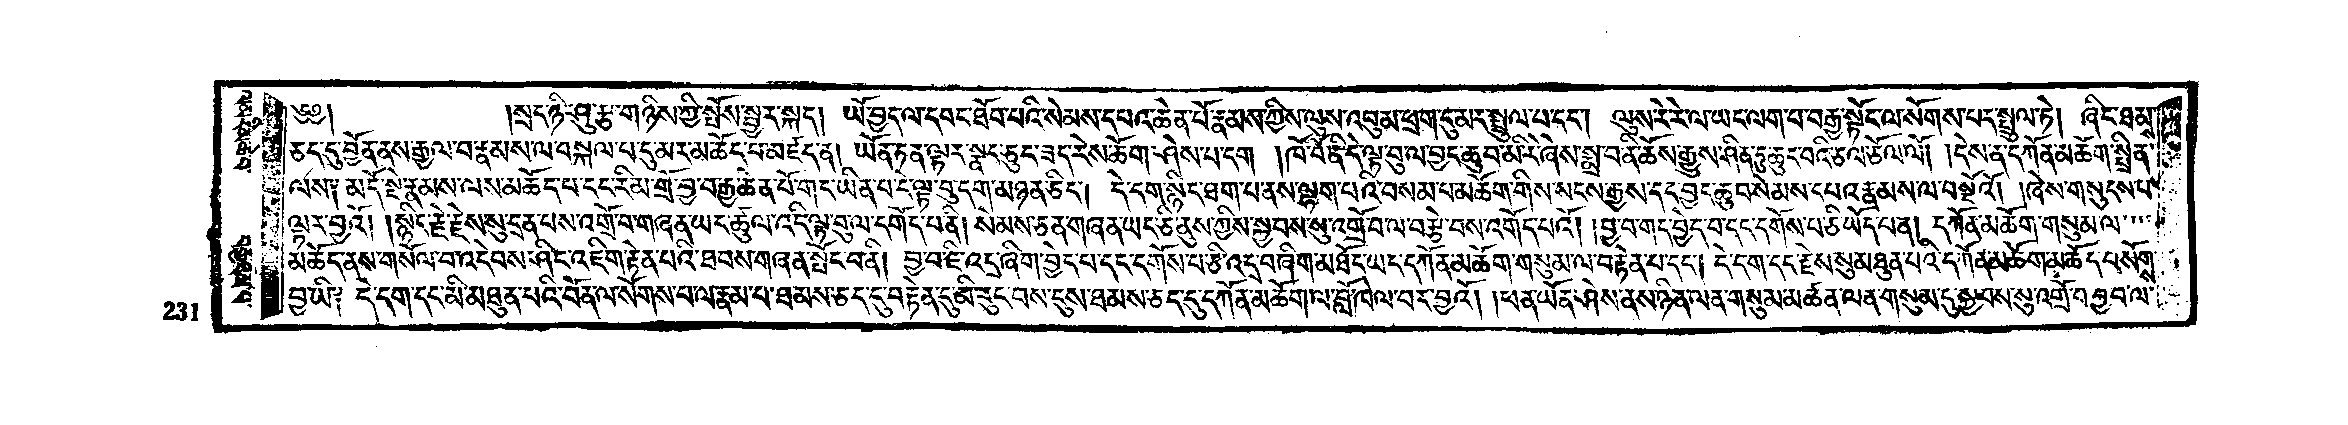༄༅། །སྲང་ཉི་ཤུ་རྩ་གཉིས་ཀྱི་སྤོས་སྦྱར་སྐད། ཡོ་བྱད་ལ་དབང་ཐོབ་པའི་སེམས་དཔའ་ཆེན་པོ་རྣམས་ཀྱིས་ལུས་འབུམ་ཕྲག་དུ་མར་སྤྲུལ་བ་དང་། ལུས་རེ་རེ་ལ་ཡང་ལག་པ་བརྒྱ་སྟོང་ལ་སོགས་པར་སྤྲུལ་ཏེ། ཞིང་ཐམས་
ཅད་དུ་བྱོན་ནས་རྒྱལ་བ་རྣམས་ལ་བསྐལ་པ་དུ་མར་མཆོད་པ་མཛད་ན། ཡོན་ཏན་ལྟར་སྣང་ཅུང་ཟད་རེས་ཆོག་ཤེས་པ་དག །ཁོ་བོ་ནི་དེ་ལྟ་བུ་ལ་བྱང་ཆུབ་མི་རེ་ཞེས་སྨྲ་བ་ནི་ཆོས་རྒྱུས་ཤིན་ཏུ་ཆུང་བའི་ཅལ་ཅོལ་ལོ། །དེས་ན་དཀོན་མཆོག་སྤྲིན་
ལས༑ མདོ་སྡེ་རྣམས་ལས་མཆོད་པ་དང་རིམ་གྲོ་བྱ་བ་རྒྱ་ཆེན་པོ་གང་ཡིན་པ་དེ་ལྟ་བུ་དག་མཉན་ཅིང་། དེ་དག་སྙིང་ཐག་པ་ནས་ལྷག་པའི་བསམ་པ་མཆོག་གིས་སངས་རྒྱས་དང་བྱང་ཆུབ་སེམས་དཔའ་རྣམས་ལ་བསྔོའོ། །ཞེས་གསུངས་པ་
ལྟར་བྱའོ། །སྙིང་རྗེ་རྗེས་སུ་དྲན་པས་འགྲོ་བ་གཞན་ཡང་ཚུལ་འདི་ལྟ་བུ་ལ་དགོད་པ་ནི། སེམས་ཅན་གཞན་ཡང་ཅི་ནུས་ཀྱིས་སྐྱབས་སུ་འགྲོ་བ་ལ་བརྩེ་བས་འགོད་པའོ། །བྱ་བ་གང་བྱེད་པ་དང་དགོས་པ་ཅི་ཡོད་པ་ན། དཀོན་མཆོག་གསུམ་ལ་
མཆོད་ནས་གསོལ་བ་འདེབས་ཤིང་འཇིག་རྟེན་པའི་ཐབས་གཞན་སྤོང་བ་ནི། བྱ་བ་ཇི་འདྲ་ཞིག་བྱེད་པ་དང་དགོས་པ་ཅི་འདྲ་བ་ཞིག་མཐོང་ཡང་དཀོན་མཆོག་གསུམ་ལ་བརྟེན་པ་དང་། དེ་དག་དང་རྗེས་སུ་མཐུན་པའི་དཀོན་མཆོག་མཆོད་པ་སོགས་
བྱ་ཡི༑ དེ་དག་དང་མི་མཐུན་པའི་བོན་ལ་སོགས་པ་ལ་རྣམ་པ་ཐམས་ཅད་དུ་བརྟེན་དུ་མི་རུང་བས་དུས་ཐམས་ཅད་དུ་དཀོན་མཆོག་ལ་བློ་ཁེལ་བར་བྱའོ། །ཕན་ཡོན་ཤེས་ནས་ཉིན་ལན་གསུམ་མཚན་ལན་གསུམ་དུ་སྐྱབས་སུ་འགྲོ་བ་བྱ་བ་ལ་